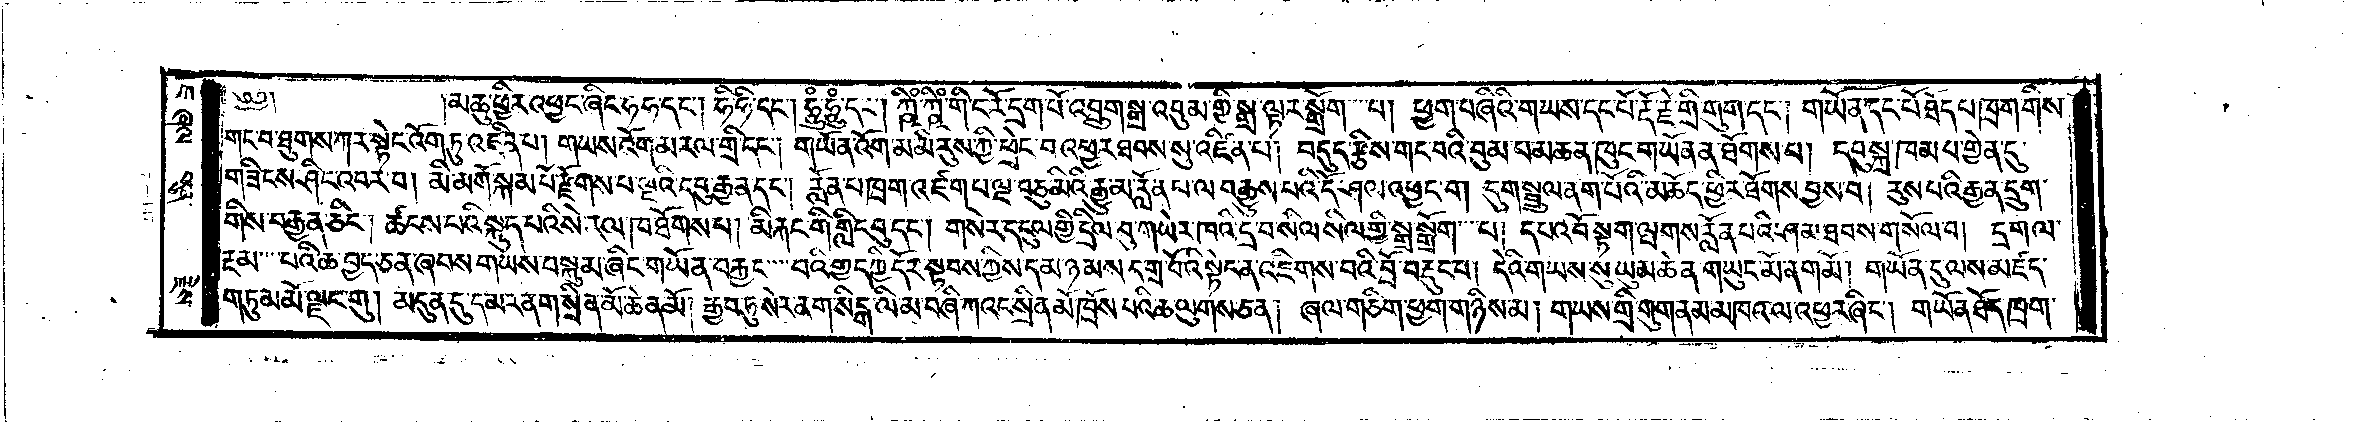༄༅། །མཆུ་ཕྱིར་འཕྱང་ཞིང་ཧ་ཧ་དང་། ཧི་ཧི་དང་། ཧཱུཾ་ཧཱུཾ་དང་། ཀྵིཾ་ཀྵིཾ་གི་ང་རོ་དྲག་པོ་འབྲུག་སྒྲ་འབུམ་གྱི་སྒྲ་ལྟར་སྒྲོག་པ། ཕྱག་བཞིའི་གཡས་དང་པོ་རྡོ་རྗེ་གྲི་གུག་དང་། གཡོན་དང་པོ་ཐོད་པ་ཁྲག་གིས་
གང་བ་ཐུགས་ཀར་སྟེང་འོག་ཏུ་འཛིན་པ། གཡས་འོག་མ་རལ་གྲི་དང་། གཡོན་འོག་མ་མི་རུས་ཀྱི་ཕྲེང་བ་འཕྱར་ཐབས་སུ་འཛིན་པ། བདུད་རྩིས་གང་བའི་བུམ་པ་མཆན་ཁུང་གཡོན་ན་ཐོགས་པ། དབུ་སྐྲ་ཁམ་པ་གྱེན་དུ་
གཟིངས་ཤིང་འབར་བ། མི་མགོ་སྐམ་པོ་རྫོགས་པ་ལྔའི་དབུ་རྒྱན་དང་། རློན་པ་ཁྲག་འཛག་པ་ལྔ་བཅུ་མིའི་རྒྱུ་མ་རློན་པ་ལ་བརྒྱུས་པའི་དོ་ཤལ་འཕྱང་བ། དུག་སྦྲུལ་ནག་པོ་དི་མཆོད་ཕྱིར་ཐོགས་བྱས་པ། རུས་པའི་རྒྱན་དྲུག་
གིས་བརྒྱན་ཅིང་། ཚངས་པའི་སྐུད་པའི་སེ་རལ་ཁ་ཐོགས་པ། མི་རྐང་གི་གླིང་བུ་དང་། གསེར་དངུལ་གྱི་དྲིལ་བུ་གཡེར་ཁའི་དྲ་བ་སིལ་སིལ་གྱི་སྒྲ་སྒྲོག་པ། དཔའ་བོ་སྟག་ལྤགས་རློན་པའི་ཤ་མ་ཐབས་གསོལ་བ། དྲག་ལ་
རྔམ་པའི་ཆ་བྱད་ཅན་ཞབས་གཡས་བསྐུམ་ཞིང་གཡོན་བརྐྱང་པའི་གྱད་ཀྱི་དོར་སྟབས་ཀྱིས་དམ་ཉམས་དགྲ་བོའི་སྟེང་ན་འཇིགས་པའི་བྲོ་བརྡུང་བ། དེའི་གཡས་སུ་ཡུམ་ཆེན་གཡུང་མོ་ནག་མོ། གཡོན་དུ་ལས་མཛད་
གཏུམ་མོ་ལྗང་གུ། མདུན་དུ་དམར་ནག་སྲིན་མོ་ཆེན་མོ། རྒྱབ་ཏུ་སེར་ནག་སིངྒ་ལི་མ་བཞི་ཀའང་སྲིན་མོ་ཁྲོས་པའི་ཆ་ལུགས་ཅན། ཞལ་གཅིག་ཕྱག་གཉིས་མ། གཡས་གྲི་གུག་ནམ་མཁའ་ལ་འཕྱར་ཞིང་། གཡོན་ཐོད་ཁྲག་